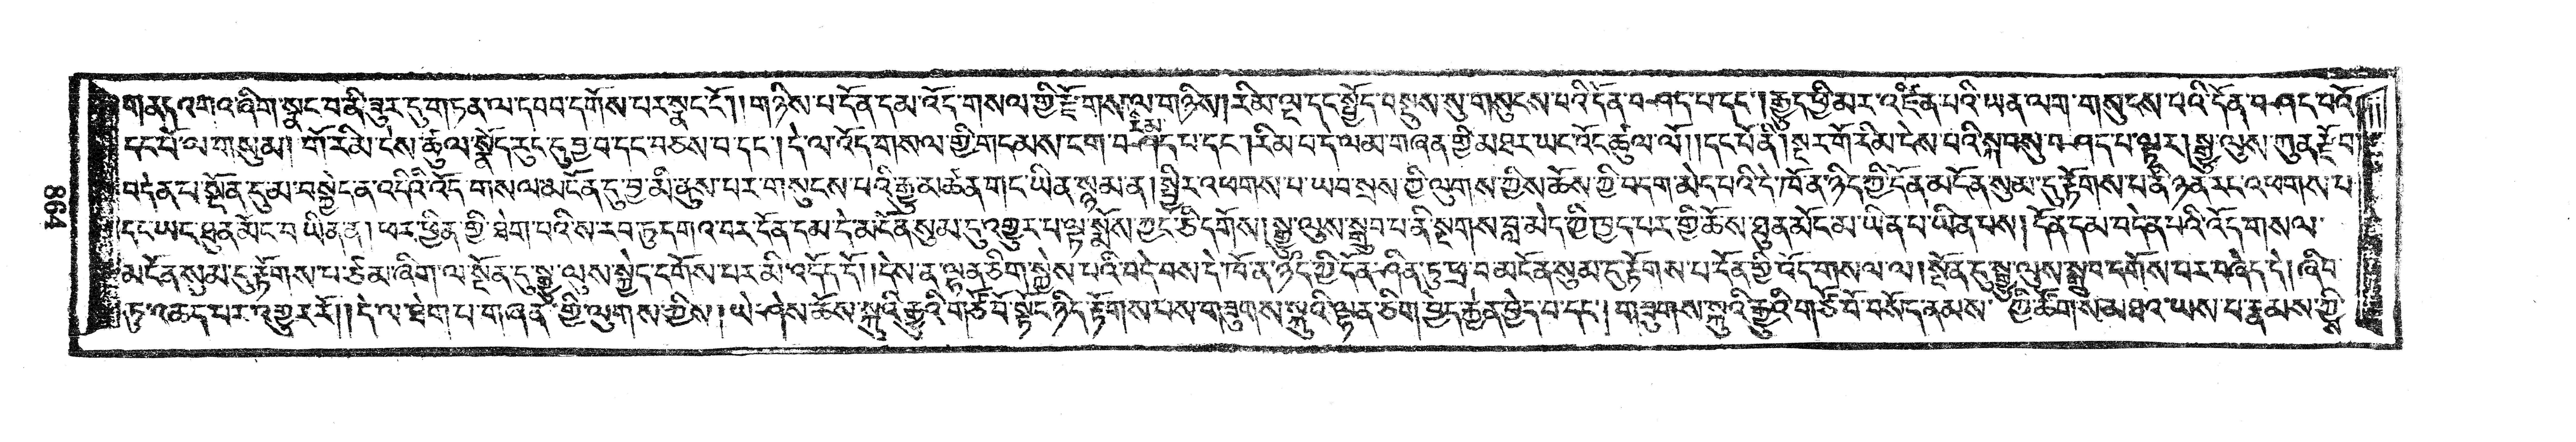གནད་འགའ་ཞིག་སྣང་བ་ནི་ཟུར་དུ་གཏན་ལ་དབབ་དགོས་པར་སྣང་ངོ། །གཉིས་པ་དོན་དམ་འོད་གསལ་གྱི་རྫོགས་རིམ་ལ་གཉིས། རིམ་ལྔ་དང་སྤྱོད་བསྡུས་སུ་གསུངས་པའི་དོན་བཤད་པ་དང་། རྒྱུད་ཕྱི་མར་འཛིན་པའི་ཡན་ལག་གསུངས་པའི་དོན་བཤད་པའོ།
དང་པོ་ལ་གསུམ། གོ་རིམ་ངེས་ཚུལ་སྣོད་རུང་དུ་བྱ་བ་དང་བཅས་པ་དང་། དེ་ལ་འོད་གསལ་གྱི་གདམས་ངག་བཤད་པ་དང་། རིམ་པ་དེ་ལམ་གཞན་གྱི་མཐར་ཡང་འོང་ཚུལ་ལོ། །དང་པོ་ནི། སྔར་གོ་རིམ་ངེས་པའི་སྐབས་སུ་བཤད་པ་ལྟར། སྒྱུ་ལུས་ཀུན་རྫོབ་
བདེན་པ་སྔོན་དུ་མ་བསྐྱེད་ན་འདིའི་འོད་གསལ་མངོན་དུ་བྱ་མི་ནུས་པར་གསུངས་པའི་རྒྱུ་མཚན་གང་ཡིན་སྙམ་ན། སྤྱིར་འཕགས་པ་ཡབ་སྲས་ཀྱི་ལུགས་ཀྱིས་ཆོས་ཀྱི་བདག་མེད་པའི་དེ་ཁོ་ན་ཉིད་ཀྱི་དོན་མངོན་སུམ་དུ་རྟོགས་པ་ནི་ཉན་རང་འཕགས་པ་
དང་ཡང་ཐུན་མོང་བ་ཡིན་ན། ཕར་ཕྱིན་གྱི་ཐེག་པའི་ས་རབ་ཏུ་དགའ་བར་དོན་དམ་དེ་མངོན་སུམ་དུ་འགྱུར་པ་ལྟ་སྨོས་ཀྱང་ཅི་དགོས། སྒྱུ་ལུས་སྒྲུབ་པ་ནི་སྔགས་བླ་མེད་ཀྱི་ཁྱད་པར་གྱི་ཆོས་ཐུན་མོང་མ་ཡིན་པ་ཡིན་པས། དོན་དམ་བདེན་པའི་འོད་གསལ་
མངོན་སུམ་དུ་རྟོགས་པ་ཙམ་ཞིག་ལ་སྔོན་དུ་སྒྱུ་ལུས་སྐྱེད་དགོས་པར་མི་འདོད་དོ། །དེས་ན་ལྷན་ཅིག་སྐྱེས་པའི་བདེ་བས་དེ་ཁོ་ན་ཉིད་ཀྱི་དོན་ཤིན་ཏུ་ཕྲ་བ་མངོན་སུམ་དུ་རྟོགས་པ་དོན་གྱི་འོད་གསལ་ལ། སྔོན་དུ་སྒྱུ་ལུས་སྒྲུབ་དགོས་པར་བཞེད་དེ། ཞིབ་
ཏུ་འཆད་པར་འགྱུར་རོ། །དེ་ལ་ཐེག་པ་གཞན་གྱི་ལུགས་ཀྱིས། ཡེ་ཤེས་ཆོས་སྐུའི་རྒྱུའི་གཙོ་བོ་སྟོང་ཉིད་རྟོགས་པས་གཟུགས་སྐུའི་ལྷན་ཅིག་བྱེད་རྐྱེན་བྱེད་པ་དང་། གཟུགས་སྐུའི་རྒྱུའི་གཙོ་བོ་བསོད་ནམས་ཀྱི་ཚོགས་མཐའ་ཡས་པ་རྣམས་ཀྱིས་